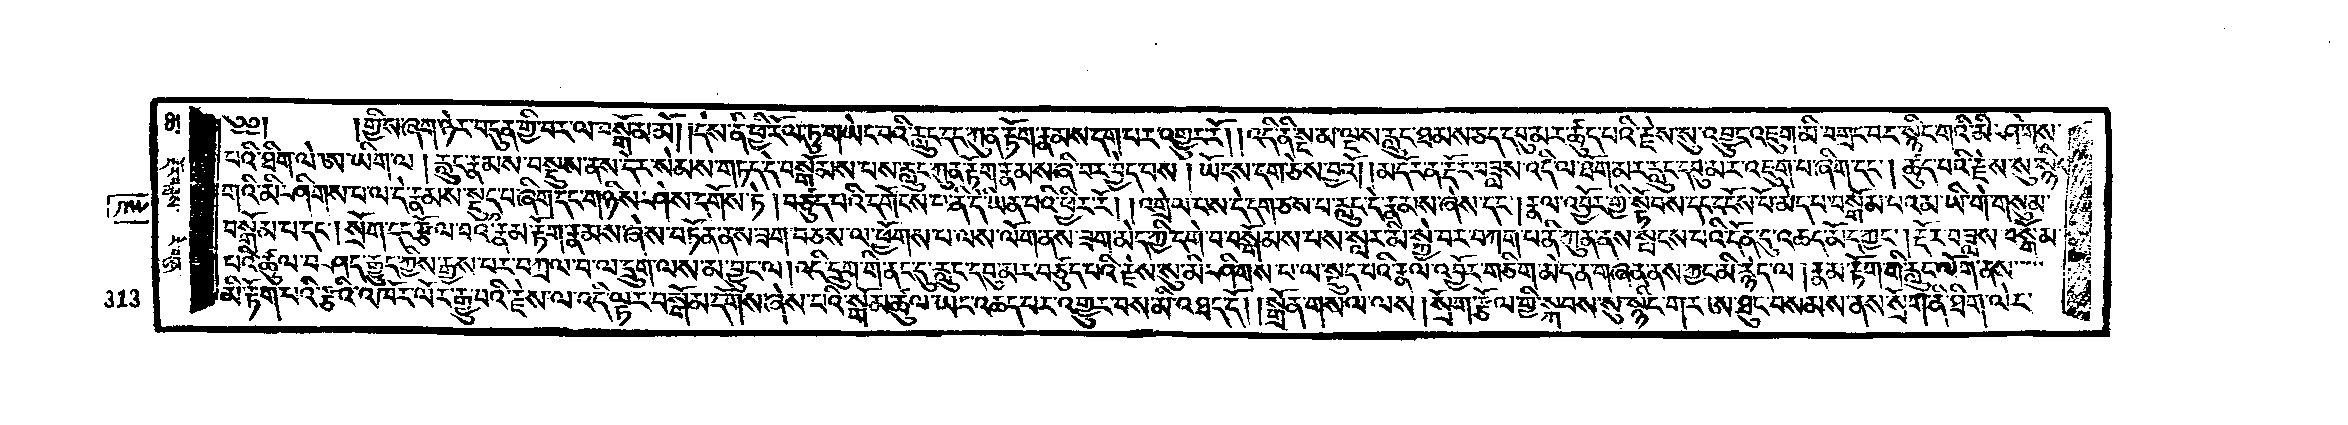༄༅། །གྱིས་ཞག་ཉེར་བདུན་གྱི་བར་ལ་བསྒོམ་མོ། །དེས་ནི་ཕྱི་རོལ་ཏུ་གཡེང་བའི་རླུང་དང་ཀུན་རྟོག་རྣམས་དག་པར་འགྱུར་རོ། །འདི་ནི་སྔ་མ་ལྔས་རླུང་ཐམས་ཅད་དབུ་མར་ཚུད་པའི་རྗེས་སུ་འབྱུང་འཇུག་མི་བགྲང་བར་སྙིང་གའི་མི་ཤིགས་
པའི་ཐིག་ལེ་ཨ་ཡིག་ལ། རླུང་རྣམས་བསྡུས་ནས་དེར་སེམས་གཏད་དེ་བསྒོམས་པས་རླུང་ཀུན་རྟོག་རྣམས་ཞི་བར་བྱེད་པས། ཡོངས་དག་ཅེས་བྱའོ། །མདོར་ན་རྡོར་བཟླས་འདི་ལ་ཐོག་མར་རླུང་དབུ་མར་འཇུག་པ་ཞིག་དང་། ཚུད་པའི་རྗེས་སུ་སྙིང་
གའི་མི་ཤིགས་པ་ལ་དེ་རྣམས་སྡུད་པ་ཞིག་དང་གཉིས་ཤེས་དགོས་ཏེ། བཙུད་པའི་དགོངས་པ་ནི་དེ་ཡིན་པའི་ཕྱིར་རོ། །འགྲེལ་པས་དེ་དག་ཅས་པ་རླུང་དེ་རྣམས་ཞེས་དང་། རྣལ་འབྱོར་གྱི་སྟོབས་དང་དངོས་པོ་མེད་པ་བསྒོམ་པའམ་ཡི་གེ་གསུམ་
བསྒོམ་པ་དང་། སྲོག་དང་རྩོལ་བའི་རྣམ་རྟོག་རྣམས་ཞེས་བཏོན་ནས་ཟག་བཅས་ལ་ཕྱོགས་པ་ལས་ལོག་ནས་ཟག་མེད་ཀྱི་དགེ་བ་བསྒོམས་པས་སླར་མི་སྐྱེ་བར་བཀག་པ་ནི་ཀུན་ནས་སྤངས་པའི་དོན་དུ་འཆད་མོད་ཀྱང་། རྡོར་བཟླས་བསྒོམ་
པའི་ཚུལ་བཤད་རྒྱུད་ཀྱིས་རྒྱས་པར་བཀྲལ་བ་ལ་དྲུག་ལས་མ་བྱུང་ལ། འདི་དྲུག་གི་ནང་དུ་རླུང་དབུ་མར་བཙུད་པའི་རྗེས་སུ་མི་ཤིགས་པ་ལ་སྡུད་པའི་རྣལ་འབྱོར་གཅིག་མེད་ན་གཞན་ནས་ཀྱང་མི་རྙེད་ལ། རྣམ་རྟོག་གི་རླུང་ལོག་ནས་
མི་རྟོག་པའི་རྩའི་འཁོར་ལོར་རྒྱུ་བའི་རྗེས་ལ་འདི་ལྟར་བསྒོམ་དགོས་ཞེས་པའི་སྒོམ་ཚུལ་ཡང་འཆད་པར་འགྱུར་བས་མི་འཐད་དོ། །སྒྲོན་གསལ་ལས། སྲོག་རྩོལ་གྱི་སྐབས་སུ་སྙིང་གར་ཨ་ཐུང་བསམས་ནས་སྲོག་ནི་ཐིག་ལེར་